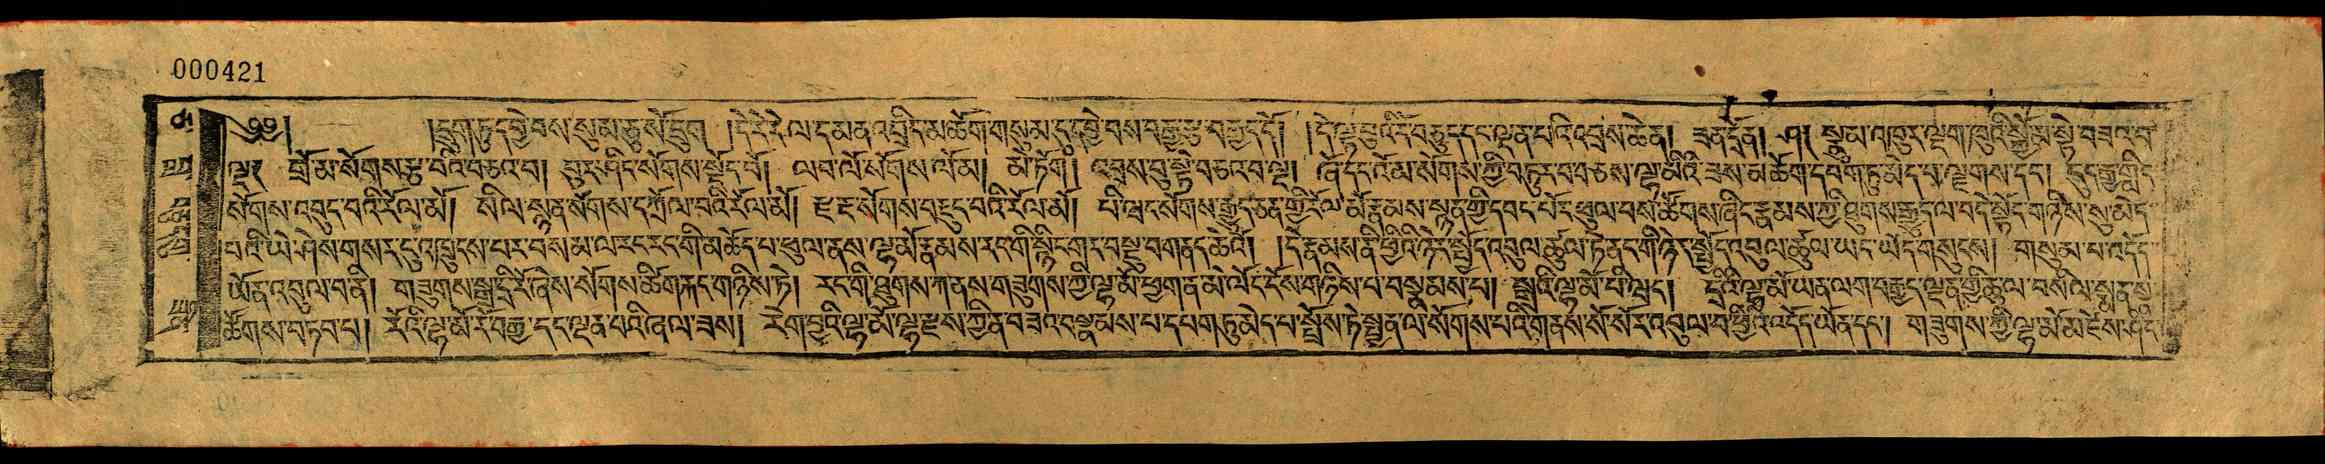༄༅། །དྲུག་ཏུ་དབྱེ་བས་སུམ་ཅུ་སོ་དྲུག །དེ་རེ་རེ་ལ་དམན་འབྲིང་མཆོག་གསུམ་དུ་དབྱེ་བས་བརྒྱ་རྩ་བརྒྱད་དོ། །དེ་ལྟ་བུའི་རོ་བཅུད་དང་ལྡན་པའི་འབྲས་ཆེན། ཟན་དྲོན།ཤ༑ སྣུམ་འཁུར་ལྡགྑུའི་སྐྱོ་མ་སྟེ་བཟའ་བ་
ལྔ༑ གྲོ་མ་སོགས་རྩ་བའི་བཅའ་བ། བུར་ཤིང་སོགས་སྡོང་པོ། ལབ་ལོ་སོགས་ལོ་མ། མེ་ཏོག །འབྲས་བུ་སྟེ་བཅའ་བ་ལྔ། ཞོ་དང་འོ་མ་སོགས་ཀྱི་བཏང་བ་བཅས་ལྷ་མིའི་ཟས་མཆོག་དཔག་ཏུ་མེད་པ་ལྗགས་དང་། དུང་རྒྱ་གླིང་
སོགས་འབུད་པའི་རོལ་མོ། སིལ་སྙན་སོགས་དཀྲོལ་བའི་རོལ་མོ། རྫས་རྔ་སོགས་བརྡུང་བའི་རོལ་མོ། པི་ཝང་སོགས་རྒྱུད་ཅན་གྱི་རོལ་མོ་རྣམས་སྙན་གྱི་དབང་པོར་ཕུལ་བས་ཚོགས་ཞིང་རྣམས་ཀྱི་ཐུགས་རྒྱུད་ལ་བདེ་སྟོང་གཉིས་སུ་མེད་
པའི་ཡེ་ཤེས་གསར་དུ་འཁྲུངས་པར་བསམ་ལ་རང་རང་གི་མཆོད་པ་ཕུལ་ནས་ལྷ་མོ་རྣམས་རང་གི་སྙིང་གར་བསྡུ་བ་གནད་ཆེའོ། །དེ་རྣམས་ནི་ཕྱིའི་ཉེར་སྤྱོད་འབུལ་ཚུལ་ཏེ་ནང་གི་ཉེར་སྤྱོད་འབུལ་ཚུལ་ཡང་ཡོད་གསུངས། གསུམ་པ་འདོད་
ཡོན་འབུལ་བ་ནི། གཟུགས་སྒྲ་དྲི་རོ་ཞེས་སོགས་ཚིག་རྐང་གཉིས་ཏེ། རང་གི་ཐུགས་ཀ་ནས་གཟུགས་ཀྱི་ལྷ་མོ་ཕྱག་ན་མེ་ལོང་ངོས་གཉིས་པ་བསྣམས་པ། སྒྲའི་ལྷ་མོ་པི་ཝང་། དྲིའི་ལྷ་མོ་ཡན་ལག་བརྒྱད་ལྡན་གྱི་ཆུ་ལ་བསིལ་སྨན་སྣ་
ཚོགས་བཏབ་པ། རོའི་ལྷ་མོ་རོ་བརྒྱ་དང་ལྡན་པའི་ཞལ་ཟས། རེག་བྱའི་ལྷ་མོ་ལྷ་རྫས་ཀྱི་ན་བཟའ་བསྣམས་པ་དཔག་ཏུ་མེད་པ་སྤྲོས་ཏེ་སྤྱན་ལ་སོགས་པའི་གནས་སོ་སོར་འབུལ་བ་ཕྱིའི་འདོད་ཡོན་དང་། གཟུགས་ཀྱི་ལྷ་མོ་མཛེས་ཤིང་